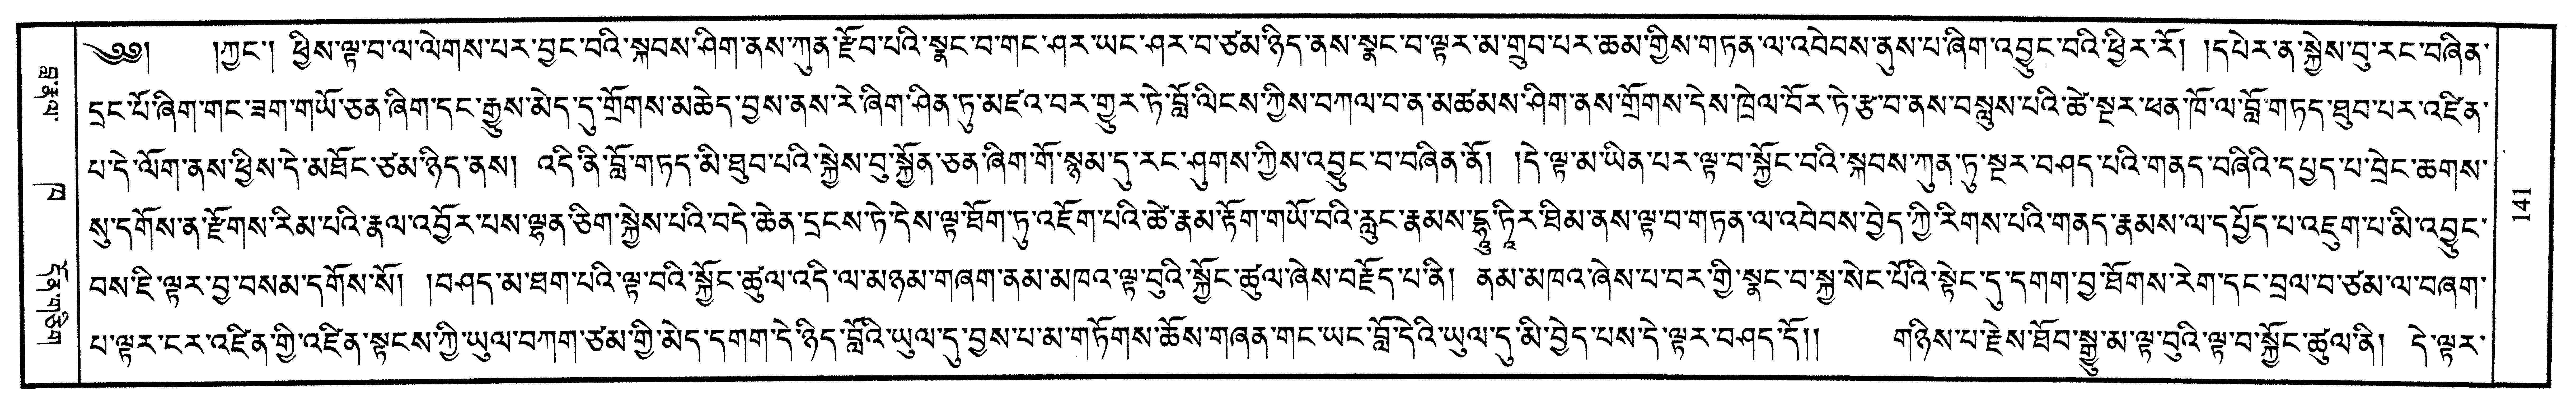༄༅། །ཀྱང་། ཕྱིས་ལྟ་བ་ལ་ལེགས་པར་བྱང་བའི་སྐབས་ཤིག་ནས་ཀུན་རྫོབ་པའི་སྣང་བ་གང་ཤར་ཡང་ཤར་བ་ཙམ་ཉིད་ནས་སྣང་བ་ལྟར་མ་གྲུབ་པར་ཆམ་གྱིས་གཏན་ལ་འབེབས་ནུས་པ་ཞིག་འབྱུང་བའི་ཕྱིར་རོ། །དཔེར་ན་སྐྱེས་བུ་རང་བཞིན་
དྲང་པོ་ཞིག་གང་ཟག་གཡོ་ཅན་ཞིག་དང་རྒྱུས་མེད་དུ་གྲོགས་མཆེད་བྱས་ནས་རེ་ཞིག་ཤིན་ཏུ་མཛའ་བར་གྱུར་ཏེ་བློ་ལིངས་ཀྱིས་བཀལ་བ་ན་མཚམས་ཤིག་ནས་གྲོགས་དེས་ཁྲེལ་བོར་ཏེ་རྩ་བ་ནས་བསླུས་པའི་ཚེ་སྔར་ཕན་ཁོ་ལ་བློ་གཏད་ཐུབ་པར་འཛིན་
པ་དེ་ལོག་ནས་ཕྱིས་དེ་མཐོང་ཙམ་ཉིད་ནས། འདི་ནི་བློ་གཏད་མི་ཐུབ་པའི་སྐྱེས་བུ་སྐྱོན་ཅན་ཞིག་གོ་སྙམ་དུ་རང་ཤུགས་ཀྱིས་འབྱུང་བ་བཞིན་ནོ། །དེ་ལྟ་མ་ཡིན་པར་ལྟ་བ་སྐྱོང་བའི་སྐབས་ཀུན་ཏུ་སྔར་བཤད་པའི་གནད་བཞིའི་དཔྱད་པ་བྲེང་ཆགས་
སུ་དགོས་ན་རྫོགས་རིམ་པའི་རྣལ་འབྱོར་པས་ལྷན་ཅིག་སྐྱེས་པའི་བདེ་ཆེན་དྲངས་ཏེ་དེས་ལྟ་ཐོག་ཏུ་འཇོག་པའི་ཚེ་རྣམ་རྟོག་གཡོ་བའི་རླུང་རྣམས་དྷཱུ་ཏཱིར་ཐིམ་ནས་ལྟ་བ་གཏན་ལ་འབེབས་བྱེད་ཀྱི་རིགས་པའི་གནད་རྣམས་ལ་དཔྱོད་པ་འཇུག་པ་མི་འབྱུང་
བས་ཇི་ལྟར་བྱ་བསམ་དགོས་སོ། །བཤད་མ་ཐག་པའི་ལྟ་བའི་སྐྱོང་ཚུལ་འདི་ལ་མཉམ་གཞག་ནམ་མཁའ་ལྟ་བུའི་སྟོང་ཚུལ་ཞེས་བརྗོད་པ་ནི། ནམ་མཁའ་ཞེས་པ་བར་གྱི་སྣང་བ་སྐྱ་སེང་པོའི་སྟེང་དུ་དགག་བྱ་ཐོགས་རེག་དང་བྲལ་བ་ཙམ་ལ་བཞག་
པ་ལྟར་ངར་འཛིན་གྱི་འཛིན་སྟངས་ཀྱི་ཡུལ་བཀག་ཙམ་གྱི་མེད་དགག་དེ་ཉིད་བློའི་ཡུལ་དུ་བྱས་པ་མ་གཏོགས་ཆོས་གཞན་གང་ཡང་བློ་དེའི་ཡུལ་དུ་མི་བྱེད་པས་དེ་ལྟར་བཤད་དོ།། གཉིས་པ་རྗེས་ཐོབ་སྒྱུ་མ་ལྟ་བུའི་ལྟ་བ་སྐྱོང་ཚུལ་ནི། དེ་ལྟར་